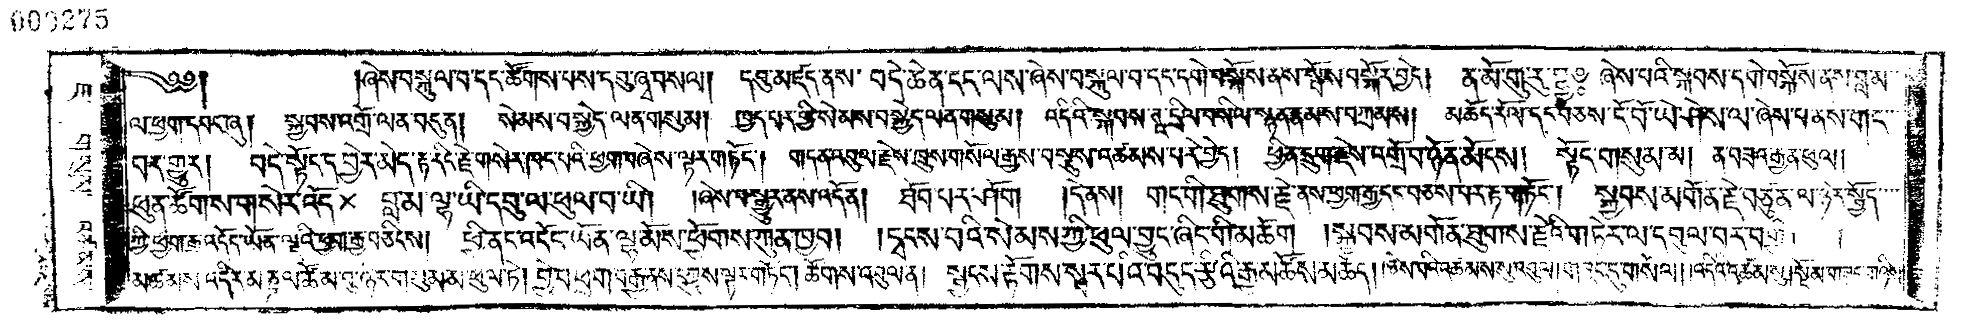༄༅། །ཞེས་བསྐུལ་བ་དང་ཚོགས་པས་དབུ་ཞྭ་བསལ། དབུ་མཛད་ནས་བདེ་ཆེན་ངང་ལས་ཞེས་བསྐུལ་བ་དང་དགེ་བསྐོས་ནས་སྤོས་བསྐོར་བྱེད། ན་མོ་གུ་རུ་བྷྱཿ ཞེས་པའི་སྐབས་དགེ་བསྐོས་ནས་བླ་མ་
ལ་ཕྱག་དབང་ཞུ། སྐྱབས་འགྲོ་ལན་བདུན། སེམས་བསྐྱེད་ལན་གསུམ། ཁྱད་པར་གྱི་སེམས་བསྐྱེད་ལན་གསུམ། འདིའི་སྐབས་ཊཱ་དྲིལ་བསིལ་སྙན་རྣམས་བཀྲམས། མཆོད་རོལ་དང་བཅས་ངོ་བོ་ཡེ་ཤེས་ལ་ཞེས་པ་ནས་གང་
བར་གྱུར། བདེ་སྟོང་དབྱེར་མེད་རྟ་རིང་རྗེ་གསེར་ཁང་པའི་ཕྱག་བཞེས་ལྟར་གཏོང་། གདན་འབུལ་རྗེས་ཁྲུས་གསོལ་རྒྱས་བསྡུས་འཚམས་པ་རེ་བྱེད། ཕྱིན་དྲུག་རྗེས་འགྲོ་བ་ཉོན་མོངས། སྟོང་གསུམ་མ། ན་བཟའ་རྒྱན་ཕུལ།
ཕུན་ཚོགས་གསེར་འོད྾་བླ་མ་ལྷ་ཡི་དབུ་ལ་ཕུལ་བ་ཡི། །ཞེས་བསྒྱུར་ནས་འདོན།  ཐོབ་པར་ཤོག་།དེ་ནས།  གང་གི་ཐུགས་རྗེ་ནས་ཕྱག་རྒྱ་དང་བཅས་པར་རྟ་གཏོང་།  སྐྱབས་མགོན་རྗེ་བཙུན་ལ་ཉེར་སྤྱོད་
ཀྱི་ཕྱག་རྒྱ་འདོད་ཡོན་ལྔའི་ཕྱག་རྒྱ་བཅིངས། ཕྱི་ནང་འདོད་ཡོན་ལྷ་མོས་ཕྱོགས་ཀུན་ཁྱབ། །དྭངས་བའི་སེམས་ཀྱི་ཕུལ་བྱུང་ཞིང་གི་མཆོག །སྐྱབས་མགོན་ཐུགས་རྗེའི་གཏེར་ལ་དབུལ་བར་བགྱི། །
མཚམས་འདིར་མཎྜལ་ཚོམ་བུ་ཉེར་གསུམ་མ་ཕུལ་ཏེ།  བྱེ་བ་ཕྲག་བརྒྱ་ནས་དཀྱུས་ལྟར་གཏོང་། ཚོགས་འབུལ་ན།  སྦྱངས་རྟོགས་སྦར་བའི་བདུད་རྩིའི་རྒྱ་མཚོས་མཆོད། །ཅེས་པའི་འཚམས་སུ་འབུལ། གཟུང་དུ་གསོལ། །འདིའི་འཚམས་སུ། སྡོམ་གཟུང་གཉིས་